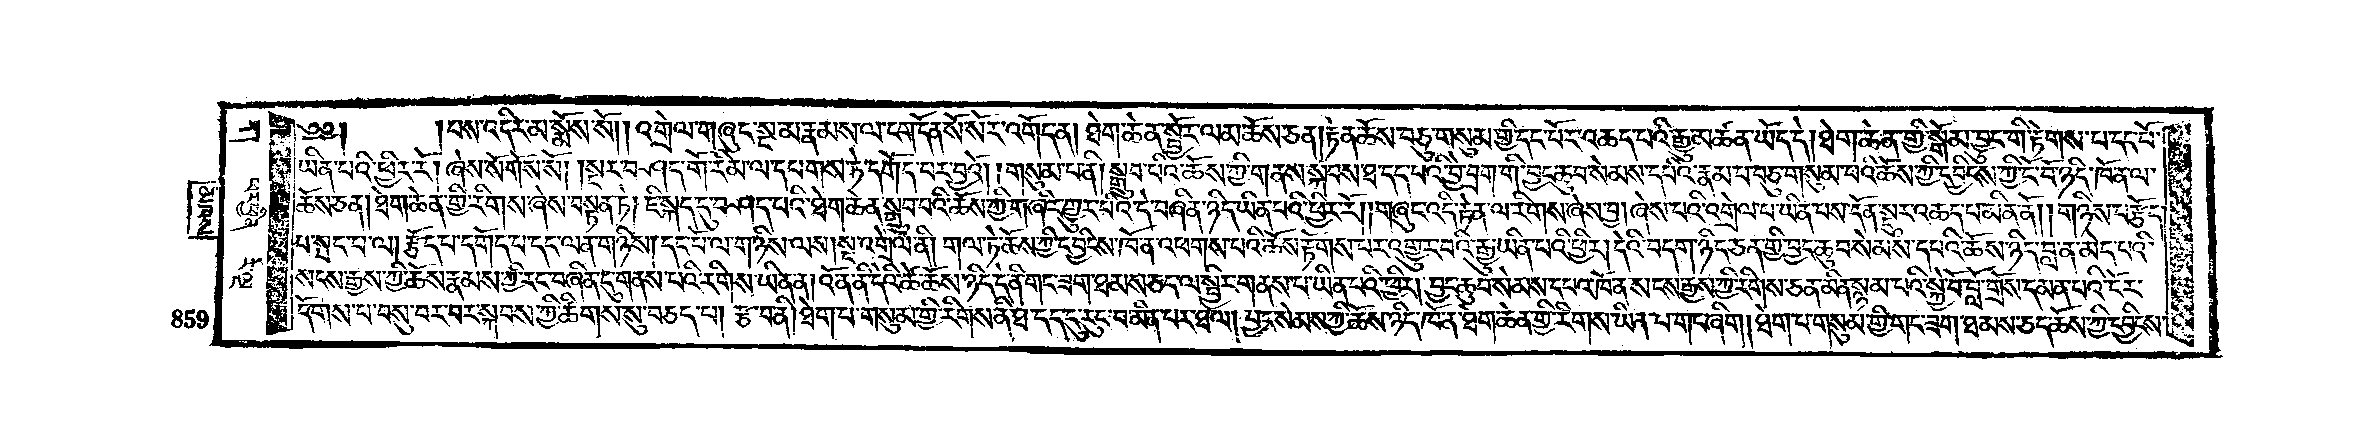༄༅། །པས་འདིར་མ་སྨོས་སོ། །འགྲེལ་གཞུང་སྔ་མ་རྣམས་ལ་ངག་དོན་སོ་སོར་འགོད་ན། ཐེག་ཆེན་སྦྱོར་ལམ་ཆོས་ཅན། རྟེན་ཆོས་བཅུ་གསུམ་གྱི་དང་པོར་འཆད་པའི་རྒྱུ་མཚན་ཡོད་དེ། ཐེག་ཆེན་གྱི་སྒོམ་བྱུང་གི་རྟེགས་པ་དང་པོ་
ཡིན་པའི་ཕྱིར་རོ། ཞེས་སོགས་སོ། །སྔར་བཤད་གོ་རིམ་ལ་དཔགས་ཏེ་དགོད་པར་བྱའོ། །གསུམ་པ་ནི། སྒྲུབ་པའི་ཆོས་ཀྱི་གནས་སྐབས་ཐ་དད་པའི་བྱེ་བྲག་གི་བྱང་ཆུབ་སེམས་དཔའི་རྣམ་པ་བཅུ་གསུམ་པའི་ཆོས་ཀྱི་དབྱིངས་ཀྱི་ངོ་བོ་ཉིད་ཁོ་ན་ལ་
ཆོས་ཅན། ཐེག་ཆེན་གྱི་རིགས་ཞེས་བསྟན་ཏེ། ཇི་སྐད་དུ་བཤད་པའི་ཐེག་ཆེན་སྒྲུབ་པའི་ཆོས་ཀྱི་གཞིར་གྱུར་པའི་དེ་བཞིན་ཉིད་ཡིན་པའི་ཕྱིར་རོ། །གཞུང་འདི་རྟེན་ལ་རིགས་ཞེས་བྱ། ཞེས་པའི་འགྲེལ་བ་ཡིན་པས་དོན་སྡུར་འཆད་པ་མིན་ནོ། །གཉིས་པ་རྩོད་
པ་སྤང་པ་ལ། རྩོད་པ་དགོད་པ་དང་ལན་གཉིས། དང་པོ་ལ་གཉིས་ལས། སྔ་འགྲེལ་ནི། གལ་ཏེ་ཆོས་ཀྱི་དབྱིངས་ཁོ་ན་འཕགས་པའི་ཆོས་རྟོགས་པར་འགྱུར་བའི་རྒྱུ་ཡིན་པའི་ཕྱིར། དེའི་བདག་ཉིད་ཅན་གྱི་བྱང་ཆུབ་སེམས་དཔའི་ཆོས་ཉིད་བླ་ན་མེད་པའི་
སངས་རྒྱས་ཀྱི་ཆོས་རྣམས་ཀྱི་རང་བཞིན་དུ་གནས་པའི་རིགས་ཡིན་ན། འོ་ན་ནི་དེའི་ཚེ་ཆོས་ཉིད་དེ་ནི་གང་ཟག་ཐམས་ཅད་ལ་སྤྱིར་གནས་པ་ཡིན་པའི་ཕྱིར། བྱང་ཆུབ་སེམས་དཔའ་ཁོ་ན་སངས་རྒྱས་ཀྱི་རིགས་ཅན་མིན་སྙམ་པའི་སྐྱེ་བོ་བློ་གྲོས་དམན་པའི་ངོར་
དོགས་པ་བསུ་བར་བར་སྐབས་ཀྱི་ཚིགས་སུ་བཅད་པ། རྩ་བ་ནི། ཐེག་པ་གསུམ་གྱི་རིགས་ནི་ཐ་དད་དུ་རུང་བ་མིན་པར་ཐལ། བྱང་སེམས་ཀྱི་ཆོས་ཉིད་ཁོ་ན་ཐེག་ཆེན་གྱི་རིགས་ཡིན་པ་གང་ཞིག །ཐེག་པ་གསུམ་གྱི་གང་ཟག་ཐམས་ཅད་ཆོས་ཀྱི་དབྱིངས་